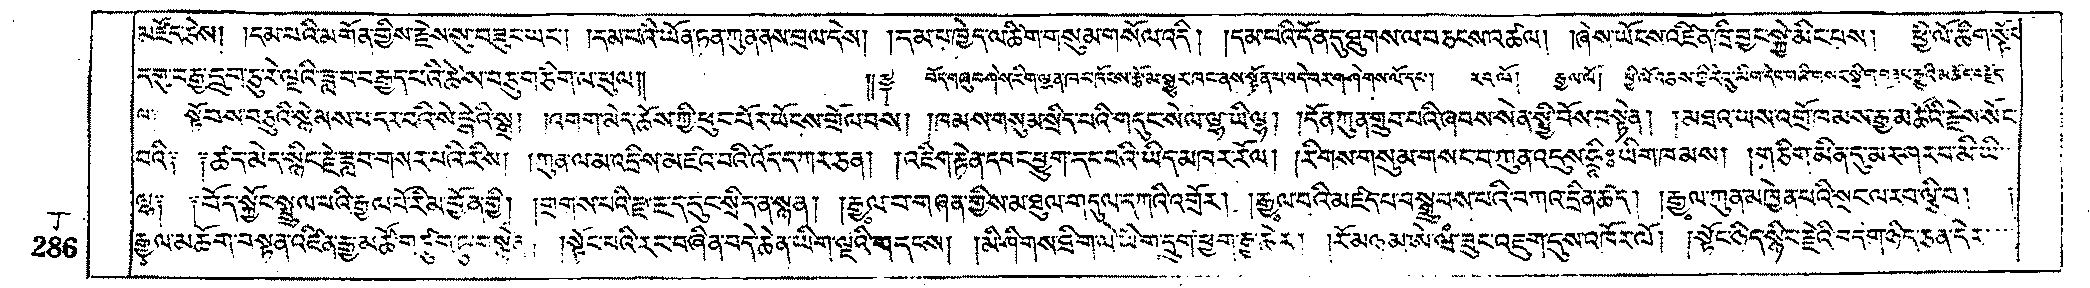མཛོད་ཅེས། །དམ་པའི་མགོན་གྱིས་རྗེས་སུ་བཟུང་ཡང་། །དམ་པའི་ཡོན་ཏན་ཀུན་ནས་བྲལ་དེས། །དམ་པ་ཁྱེད་ལ་ཚིག་གསུམ་གསོལ་འདི། །དམ་པའི་དོན་དུ་ཐུགས་ལ་བཅངས་འཚལ། །ཞེས་ཡོངས་འཛིན་ཁྲི་བྱང་སྐྱེ་མིང་པས། ཕྱི་ལོ་ཆིག་སྟོང་
དགུ་བརྒྱ་དྲུག་ཅུ་རེ་ལྔའི་ཟླ་བ་བརྒྱད་པའི་ཚེས་བཅུ་གཅིག་ལ་ཕུལ།། །། འབོད་གཞུང་ཤེས་རིག་ལྷན་ཁང་ཁོངས་རྩོམ་སྒྱུར་ཁང་ནས་སྟོན་པ་བདེ་བར་གཤེགས་ལོ་དང་། རབ་ལོ། རྒྱལ་ལོ། །ཕྱི་ལོ་བཅས་ཀྱི་རེའུ་མིག་དེབ་གཞི་གསར་སྒྲིག་གནང་རྒྱུའི་མཆོད་བརྗོད་
ལ༑ སྟོབས་བཅུའི་སྙེམས་པ་དར་བའི་སེངྒེའི་སྒྲ། །འགག་མེད་ཆོས་ཀྱི་ཕུང་པོར་ཡོངས་གྲོལ་བས། །ཁམས་གསུམ་སྲིད་པའི་གདུང་སེལ་ལྷ་ཡི་ལྷ། །དོན་ཀུན་གྲུབ་པའི་ཞབས་སེན་སྤྱི་བོས་བསྟེན། །མཐའ་ཡས་འགྲོ་ཁམས་རྒྱ་མཚོའི་རྗེས་སོང་
བའི༑ ༑ཚད་མེད་སྙིང་རྗེ་ཟླ་བ་གསར་པའི་རིས། །ཀུན་ལ་མ་འདྲིས་མཛའ་བའི་འོད་དཀར་ཅན། །འཇིག་རྟེན་དབང་ཕྱུག་དང་བའི་ཡིད་མཁར་རོལ། །རིགས་གསུམ་གསང་བ་ཀུན་འདུས་ཧྲཱིཿཡིག་ཁམས། །གཅིག་མིན་དུ་མར་ཤར་བ་མི་ཡི་་་
ལྷ༑ ༑བོད་སྐྱོང་སྤྲུལ་པའི་རྒྱལ་པོ་རིམ་བྱོན་གྱི། །གྲགས་པའི་རྫ་རྔ་ད་དུང་སྲིད་ན་སྙན། །རྒྱལ྾་བ་གཞན་གྱིས་མ་ཐུལ་གདུལ་དཀའི་འགྲོར། །རྒྱལ྾་བའི་མཛད་པ་བསྒྲུབས་པའི་བཀའ་དྲིན་ཚད། །རྒྱལ྾་ཀུན་མཁྱེན་པའི་སྲང་ལ་རབ་ལྕི་བ། །
རྒྱལ྾་མཆོག་བསྟན་འཛིན་རྒྱ་མཚོ་གཙུག་ཏུ་བསྙེན། །སྟོང་པའི་རང་བཞིན་བདེ་ཆེན་ཡིག་ལྔའི་གདངས། །མི་ཤིགས་ཐིག་ལེ་ཡིག་དྲུག་ཕྱག་རྒྱ་ཆེར། །རོ་མཉམ་ཨེ་ཝཾ་ཟུང་འཇུག་དུས་འཁོར་ལོ། །སྟོང་ཉིད་སྙིང་རྗེའི་བདག་ཉིད་ཅན་དེར་་་